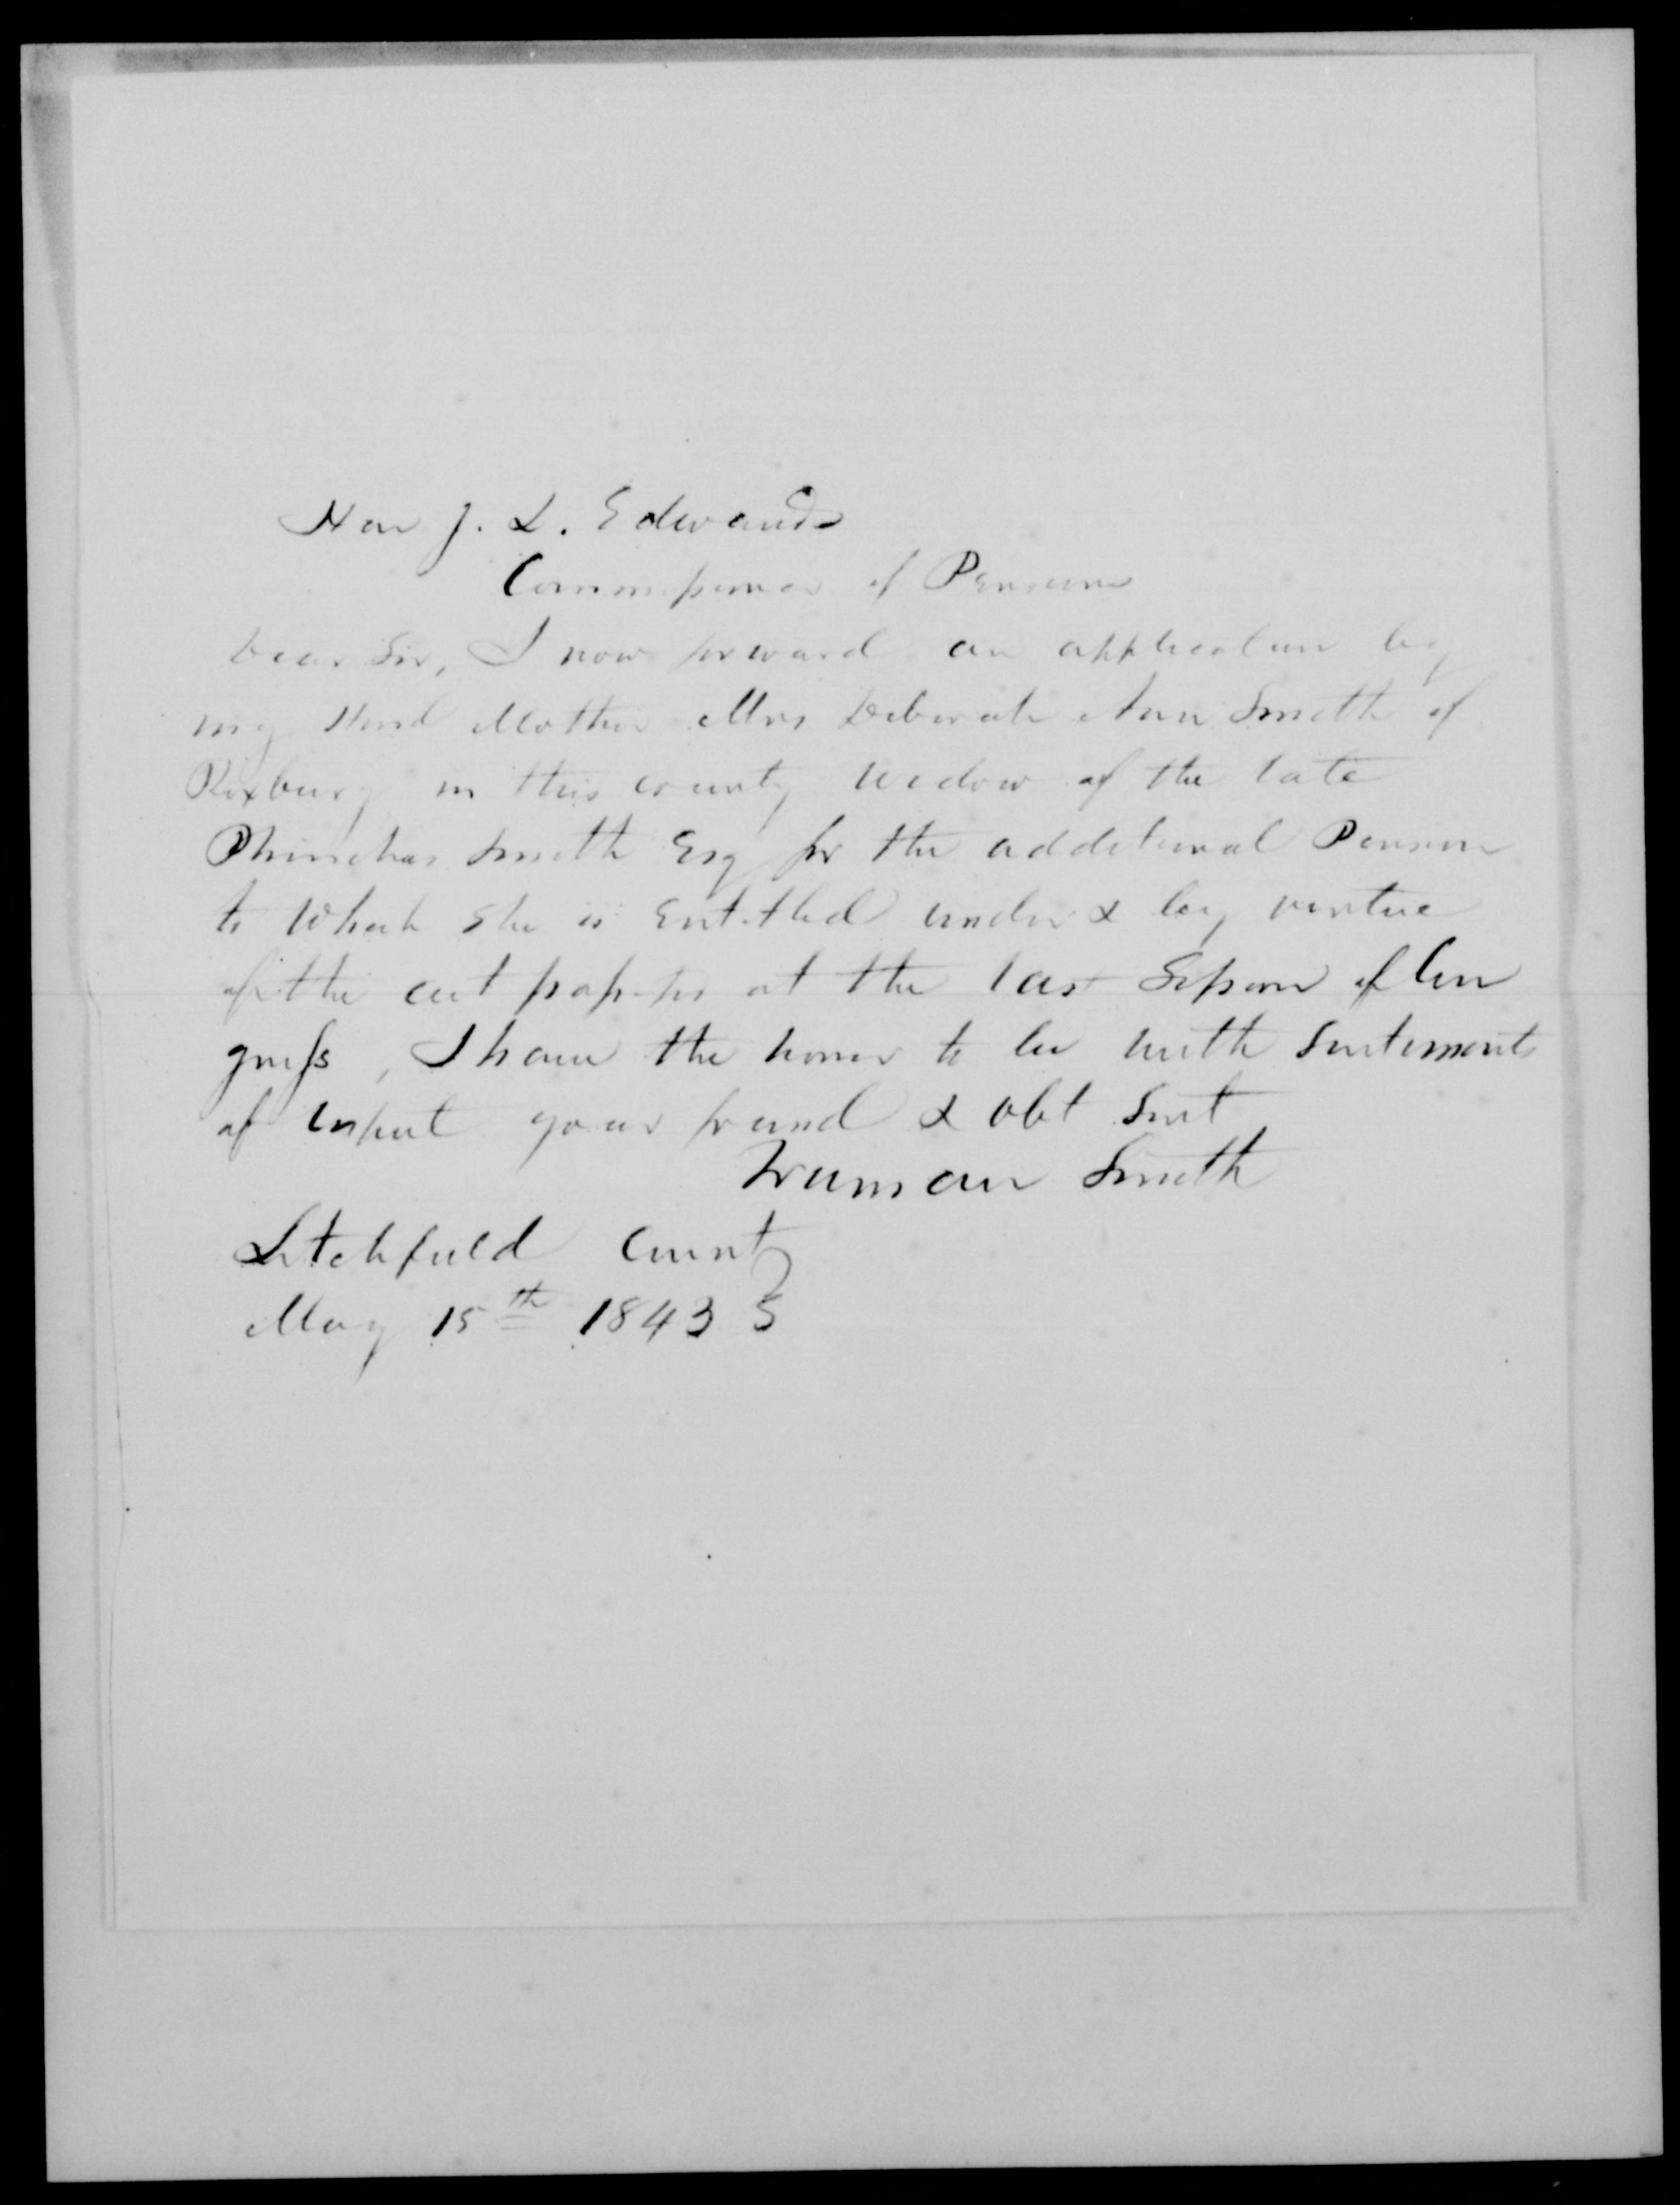Hon J.L. Edwards 
Commissioner of Pensions 
Dear Sir, I now forward an application by my Honl Mother Mrs Deborah Ann Smith of Roxbury in this county widow of the late Phinehas Smith Esq for the additional Pension to which she is entitled under & by virtue of the act passed at the last Session of Congress, I have the honor to be with Instuments of your Hand & Obt Sert 
Truman Smith 
Litchfield County 
May 15th 1843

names: Truman Smith; Deborah Ann Smith; J L Edwards; Phinehas Smith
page: 35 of 55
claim: widow's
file: W. 11480, for Phinehas Smith, Connecticut